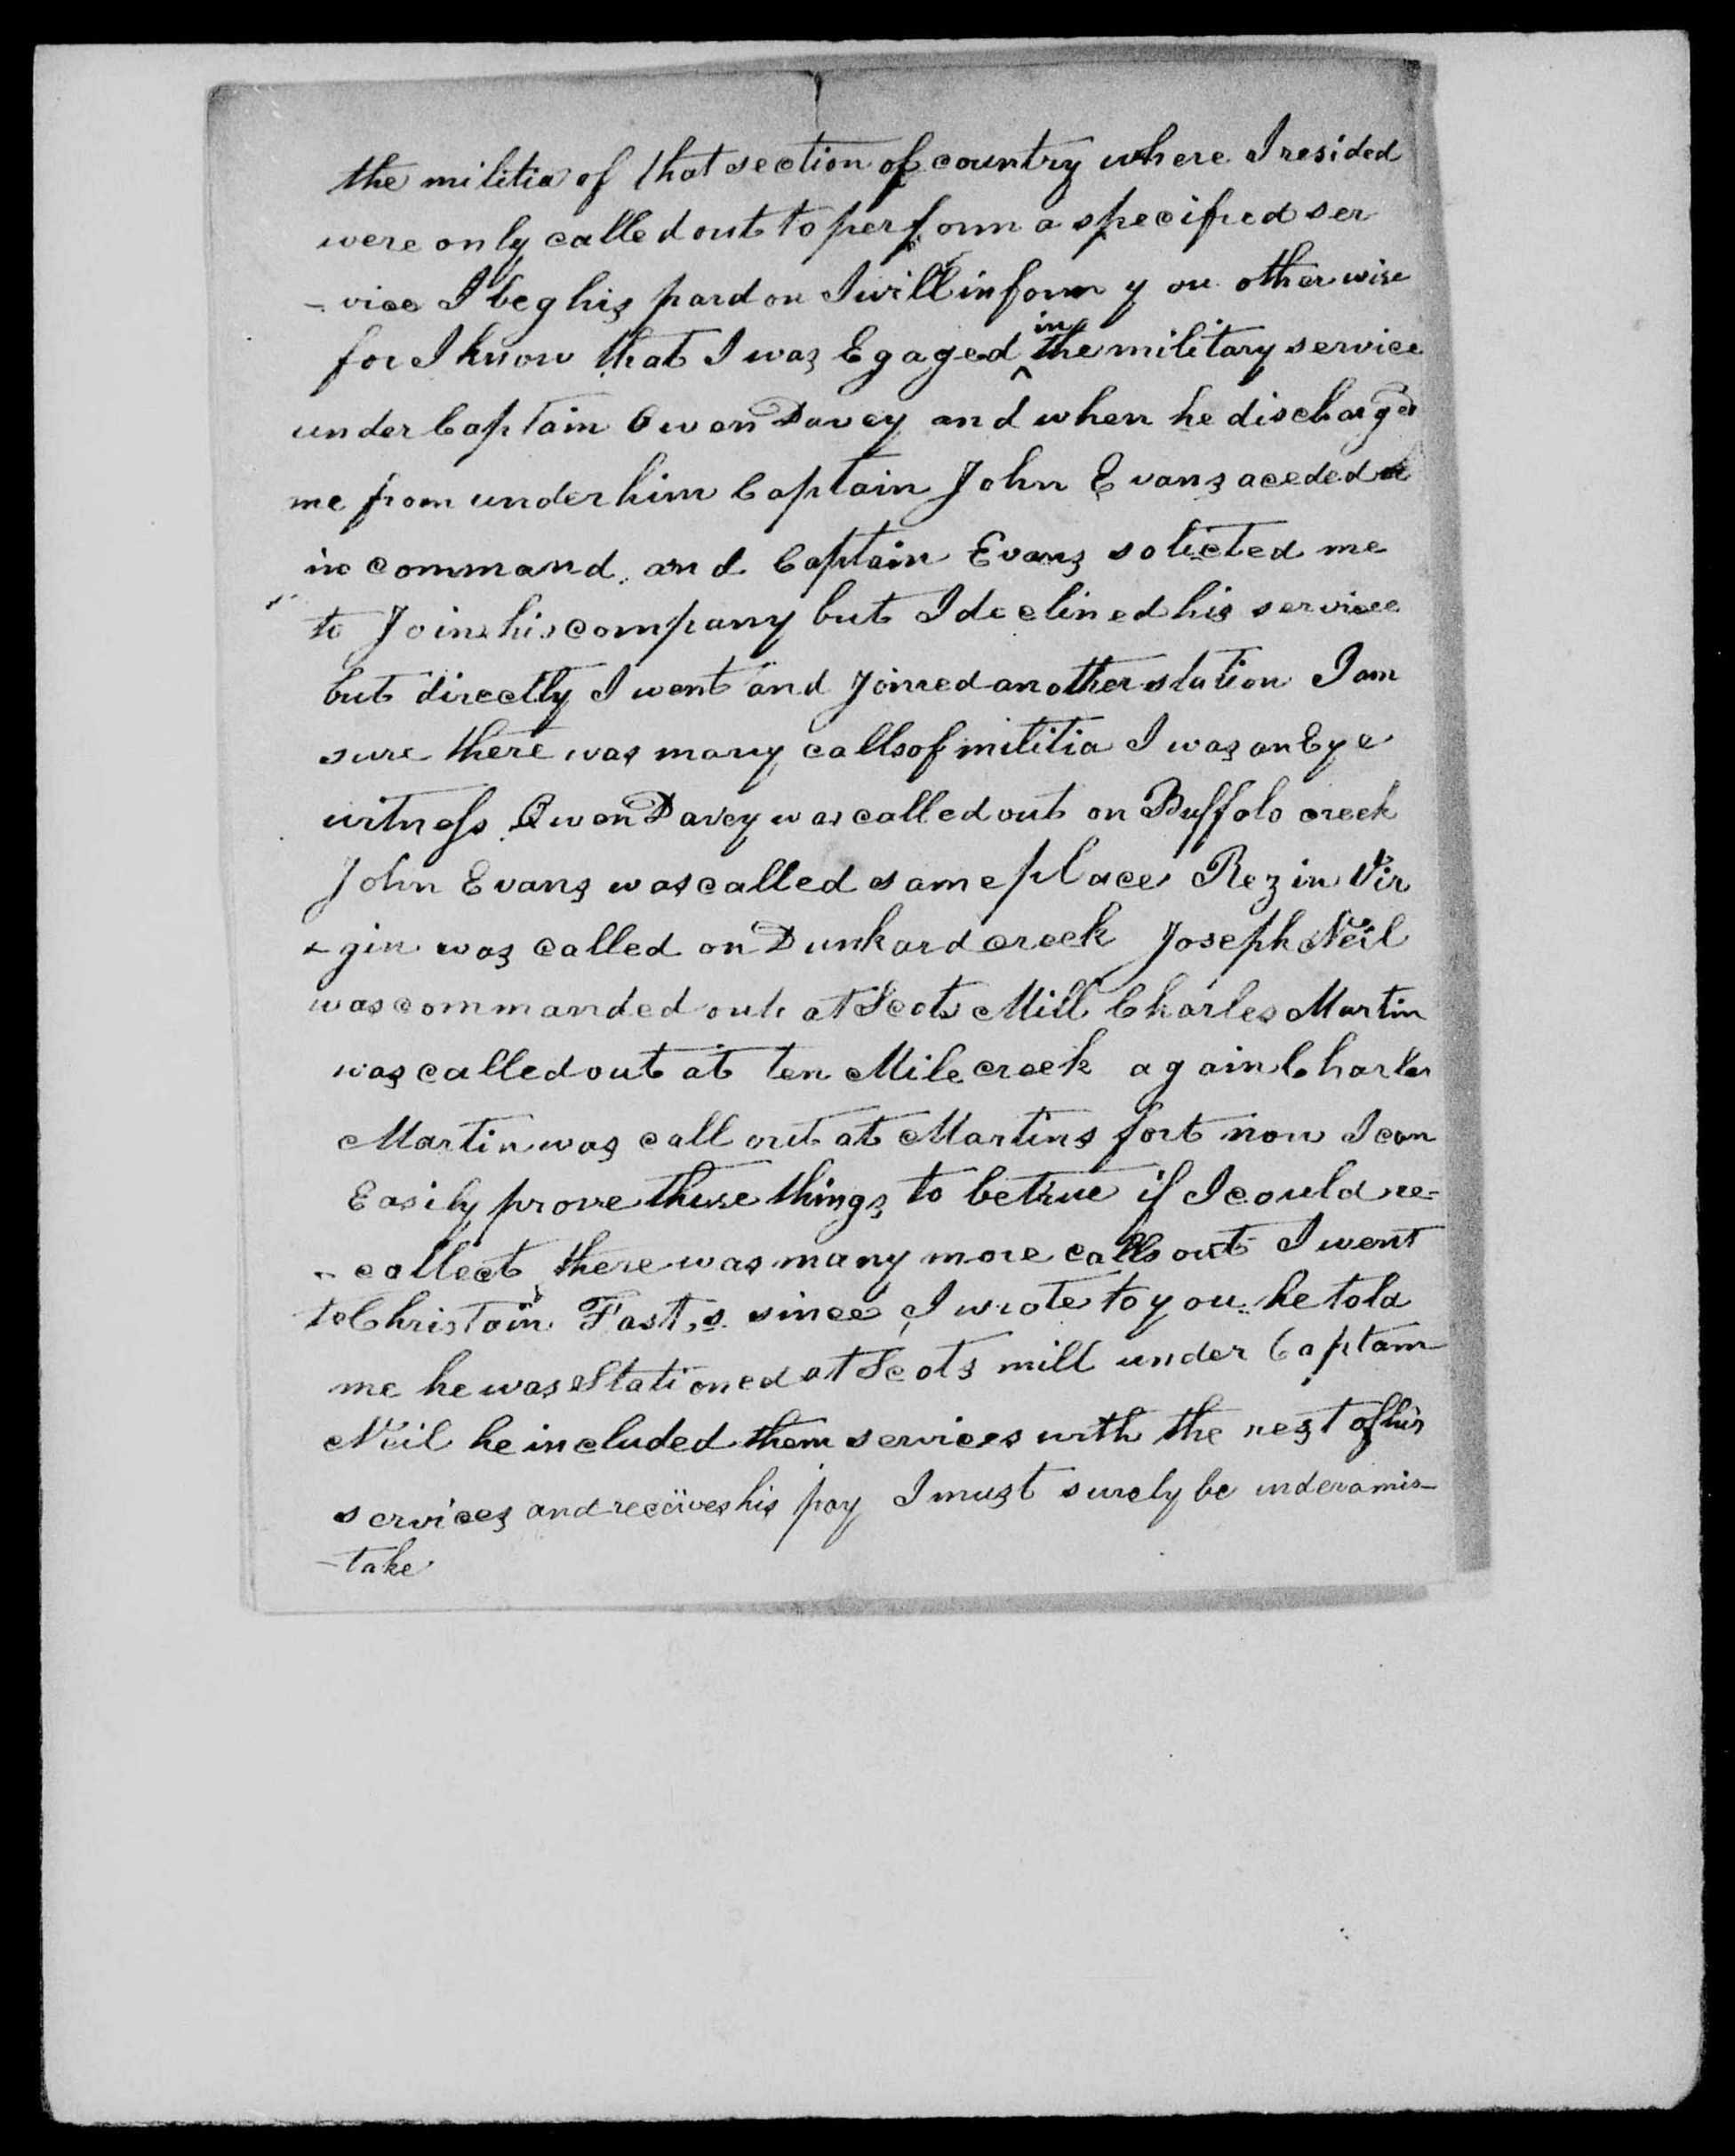the militia of that section of country where I resided were only called out to perform a specific service. I beg his pardon I will inform you otherwise for I know that I was egaged [engaged] in the military service under Captain Owen Davey and when he discharged me from under him Captain John Evans aceded [acceded] in command, and Captain Evans solicited me to join his company but I declined his service but directly I went and joined another station.  I am sure there was many calls of militia I was an eye witness of. Even Davey was called out on Buffalo Creek. John Evans was called same place. [illegible] was called on Dunkard Creek Joseph Neil was commanded out at Scots Mill Charles Martin was called out at Ten Mile Creek again Charles Martin was call out at Martins fort more I can easily prove these things to be true if I could recollect there was many more calls out I went to Christian Forts since I wrote to you he told me he was stationed at Scots mill under Captain Neil he included them services with the rest of his services and receives his pay. I must surely be under a mistake.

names: Owen Davey, Charles Martin, Owen Davey, John Evans, Joseph Neil, Neil, Charles Martin, John Evans, Evans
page: 12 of 33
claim: survivor's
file: S. 9587, William Holson, Va.